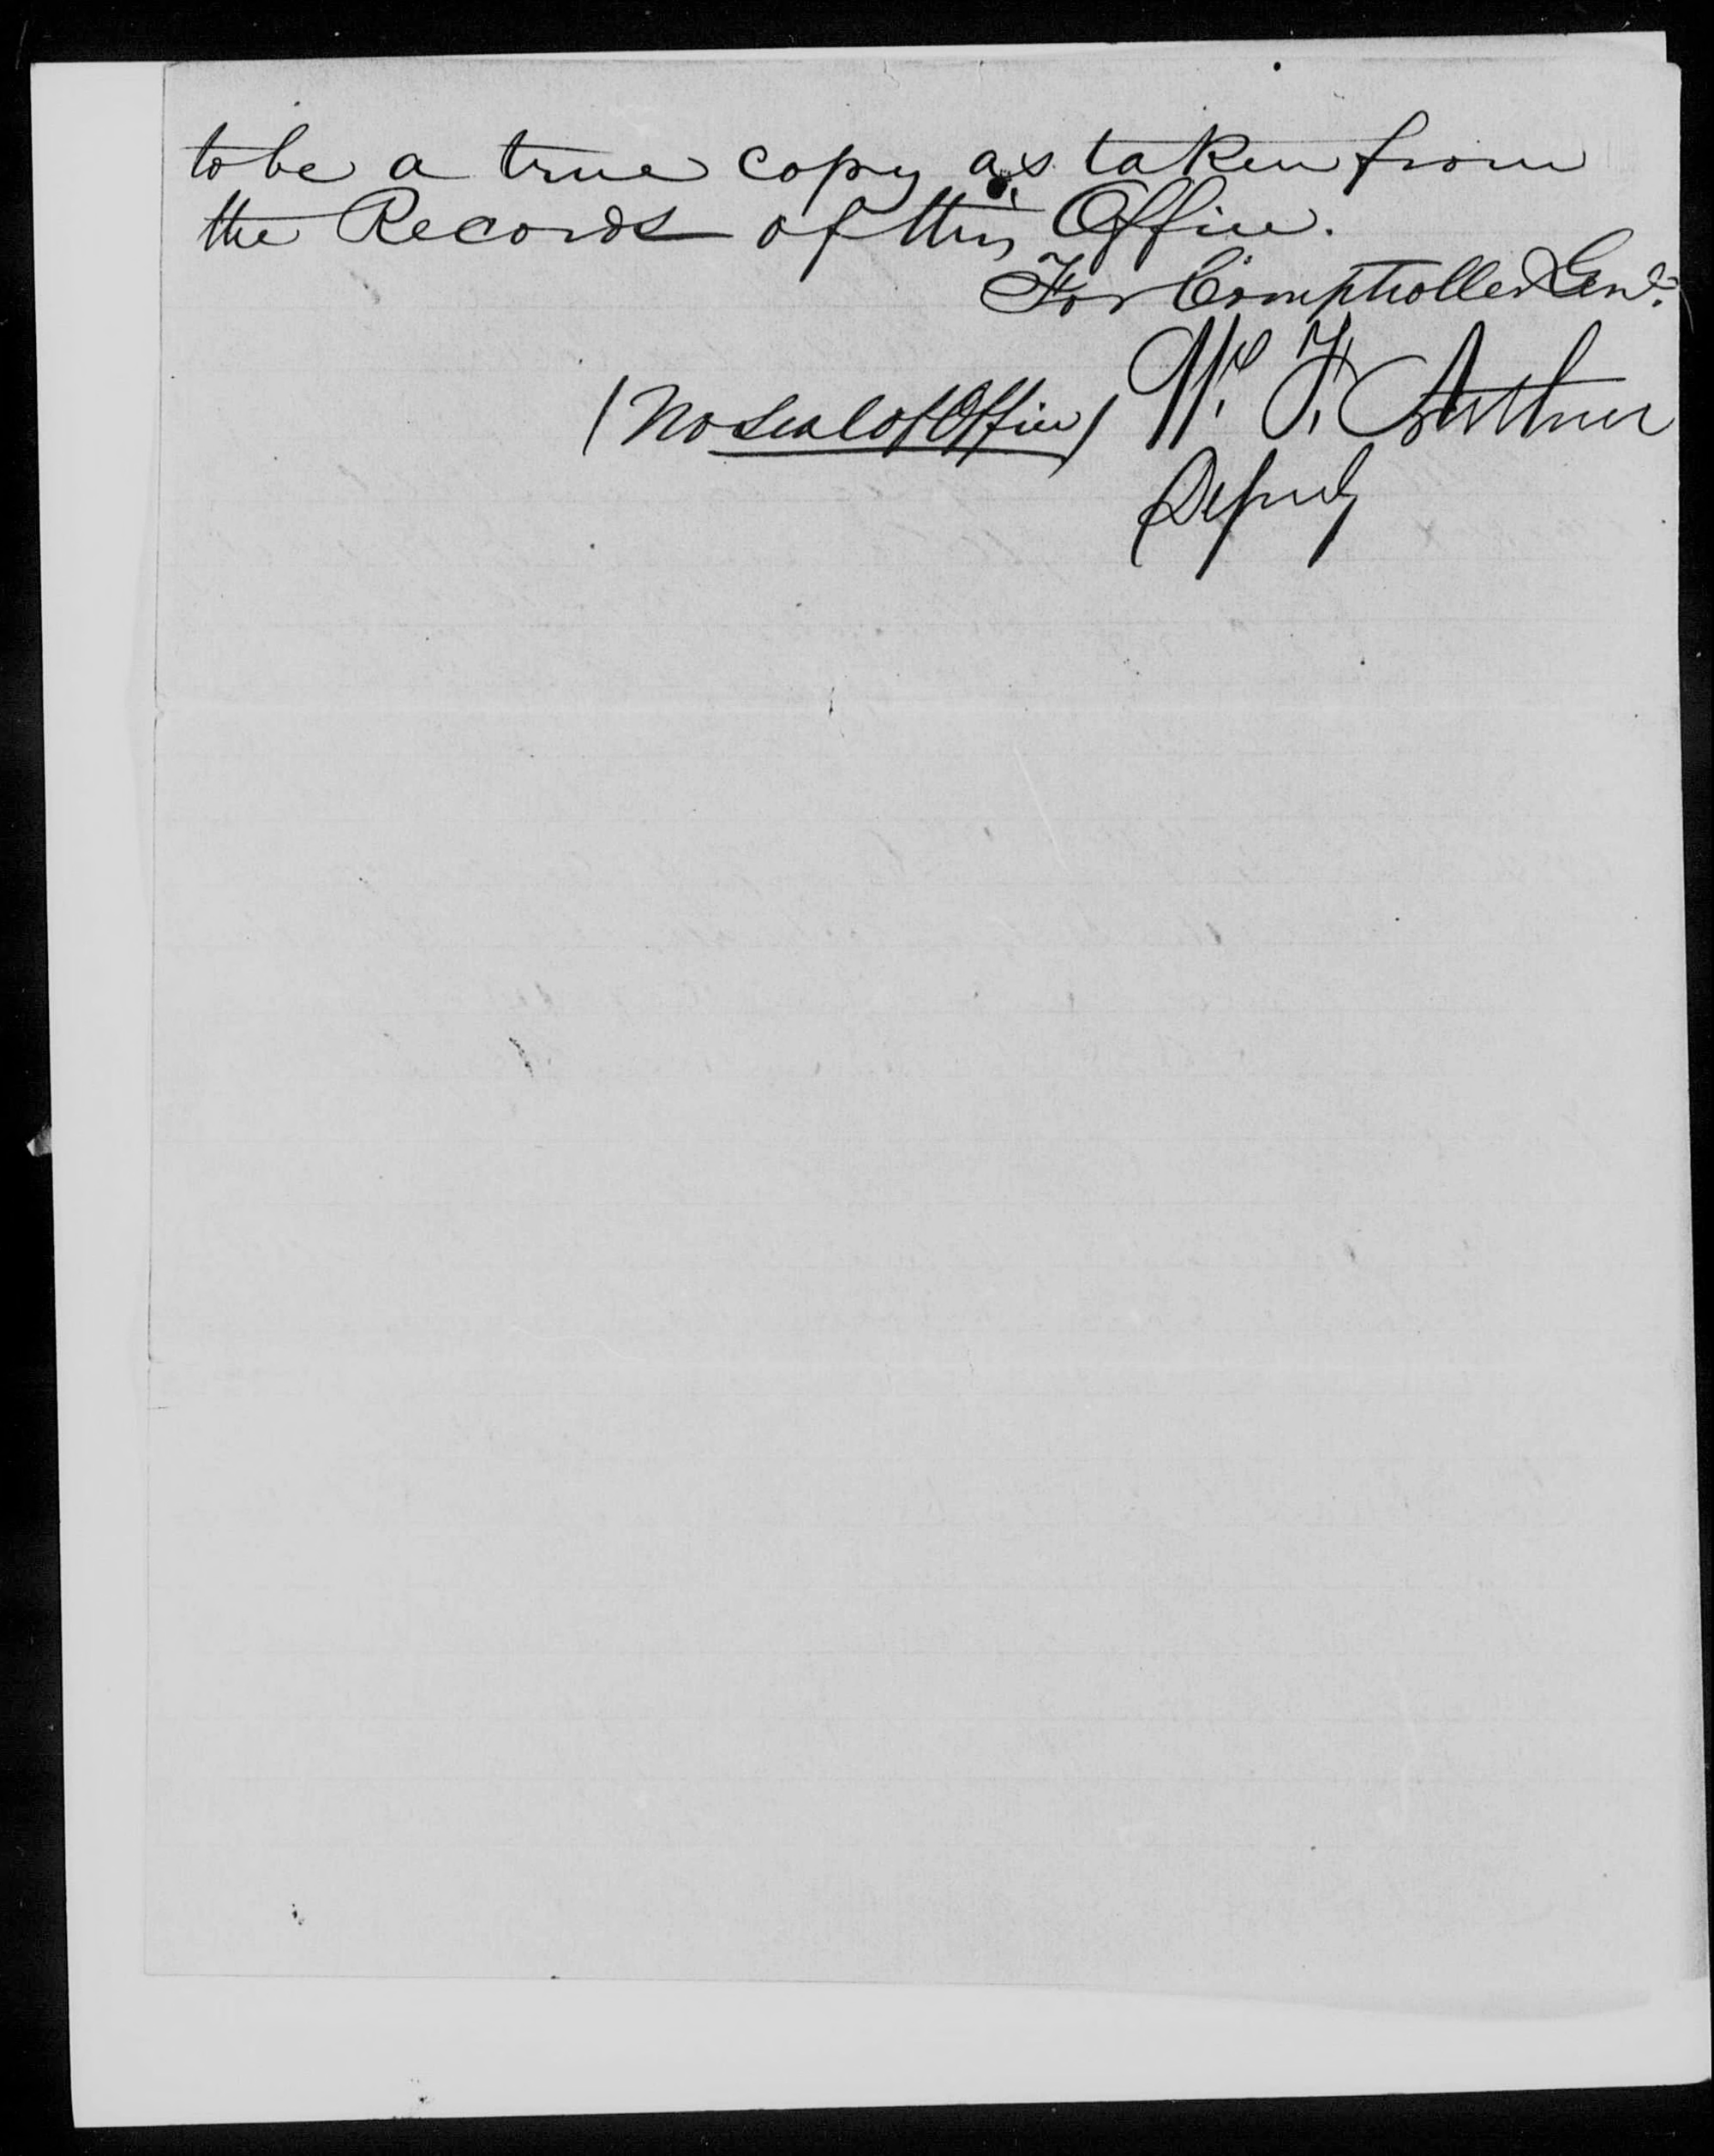to be a true copy as taken from
the Records of this Office.
For Comptroller Genl.
W. F. Arthur.
Deputy

(No Seal of Office)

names: W F Arthur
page: 29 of 51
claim: widow's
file: W. 9700, Denney Anderson, S.C.